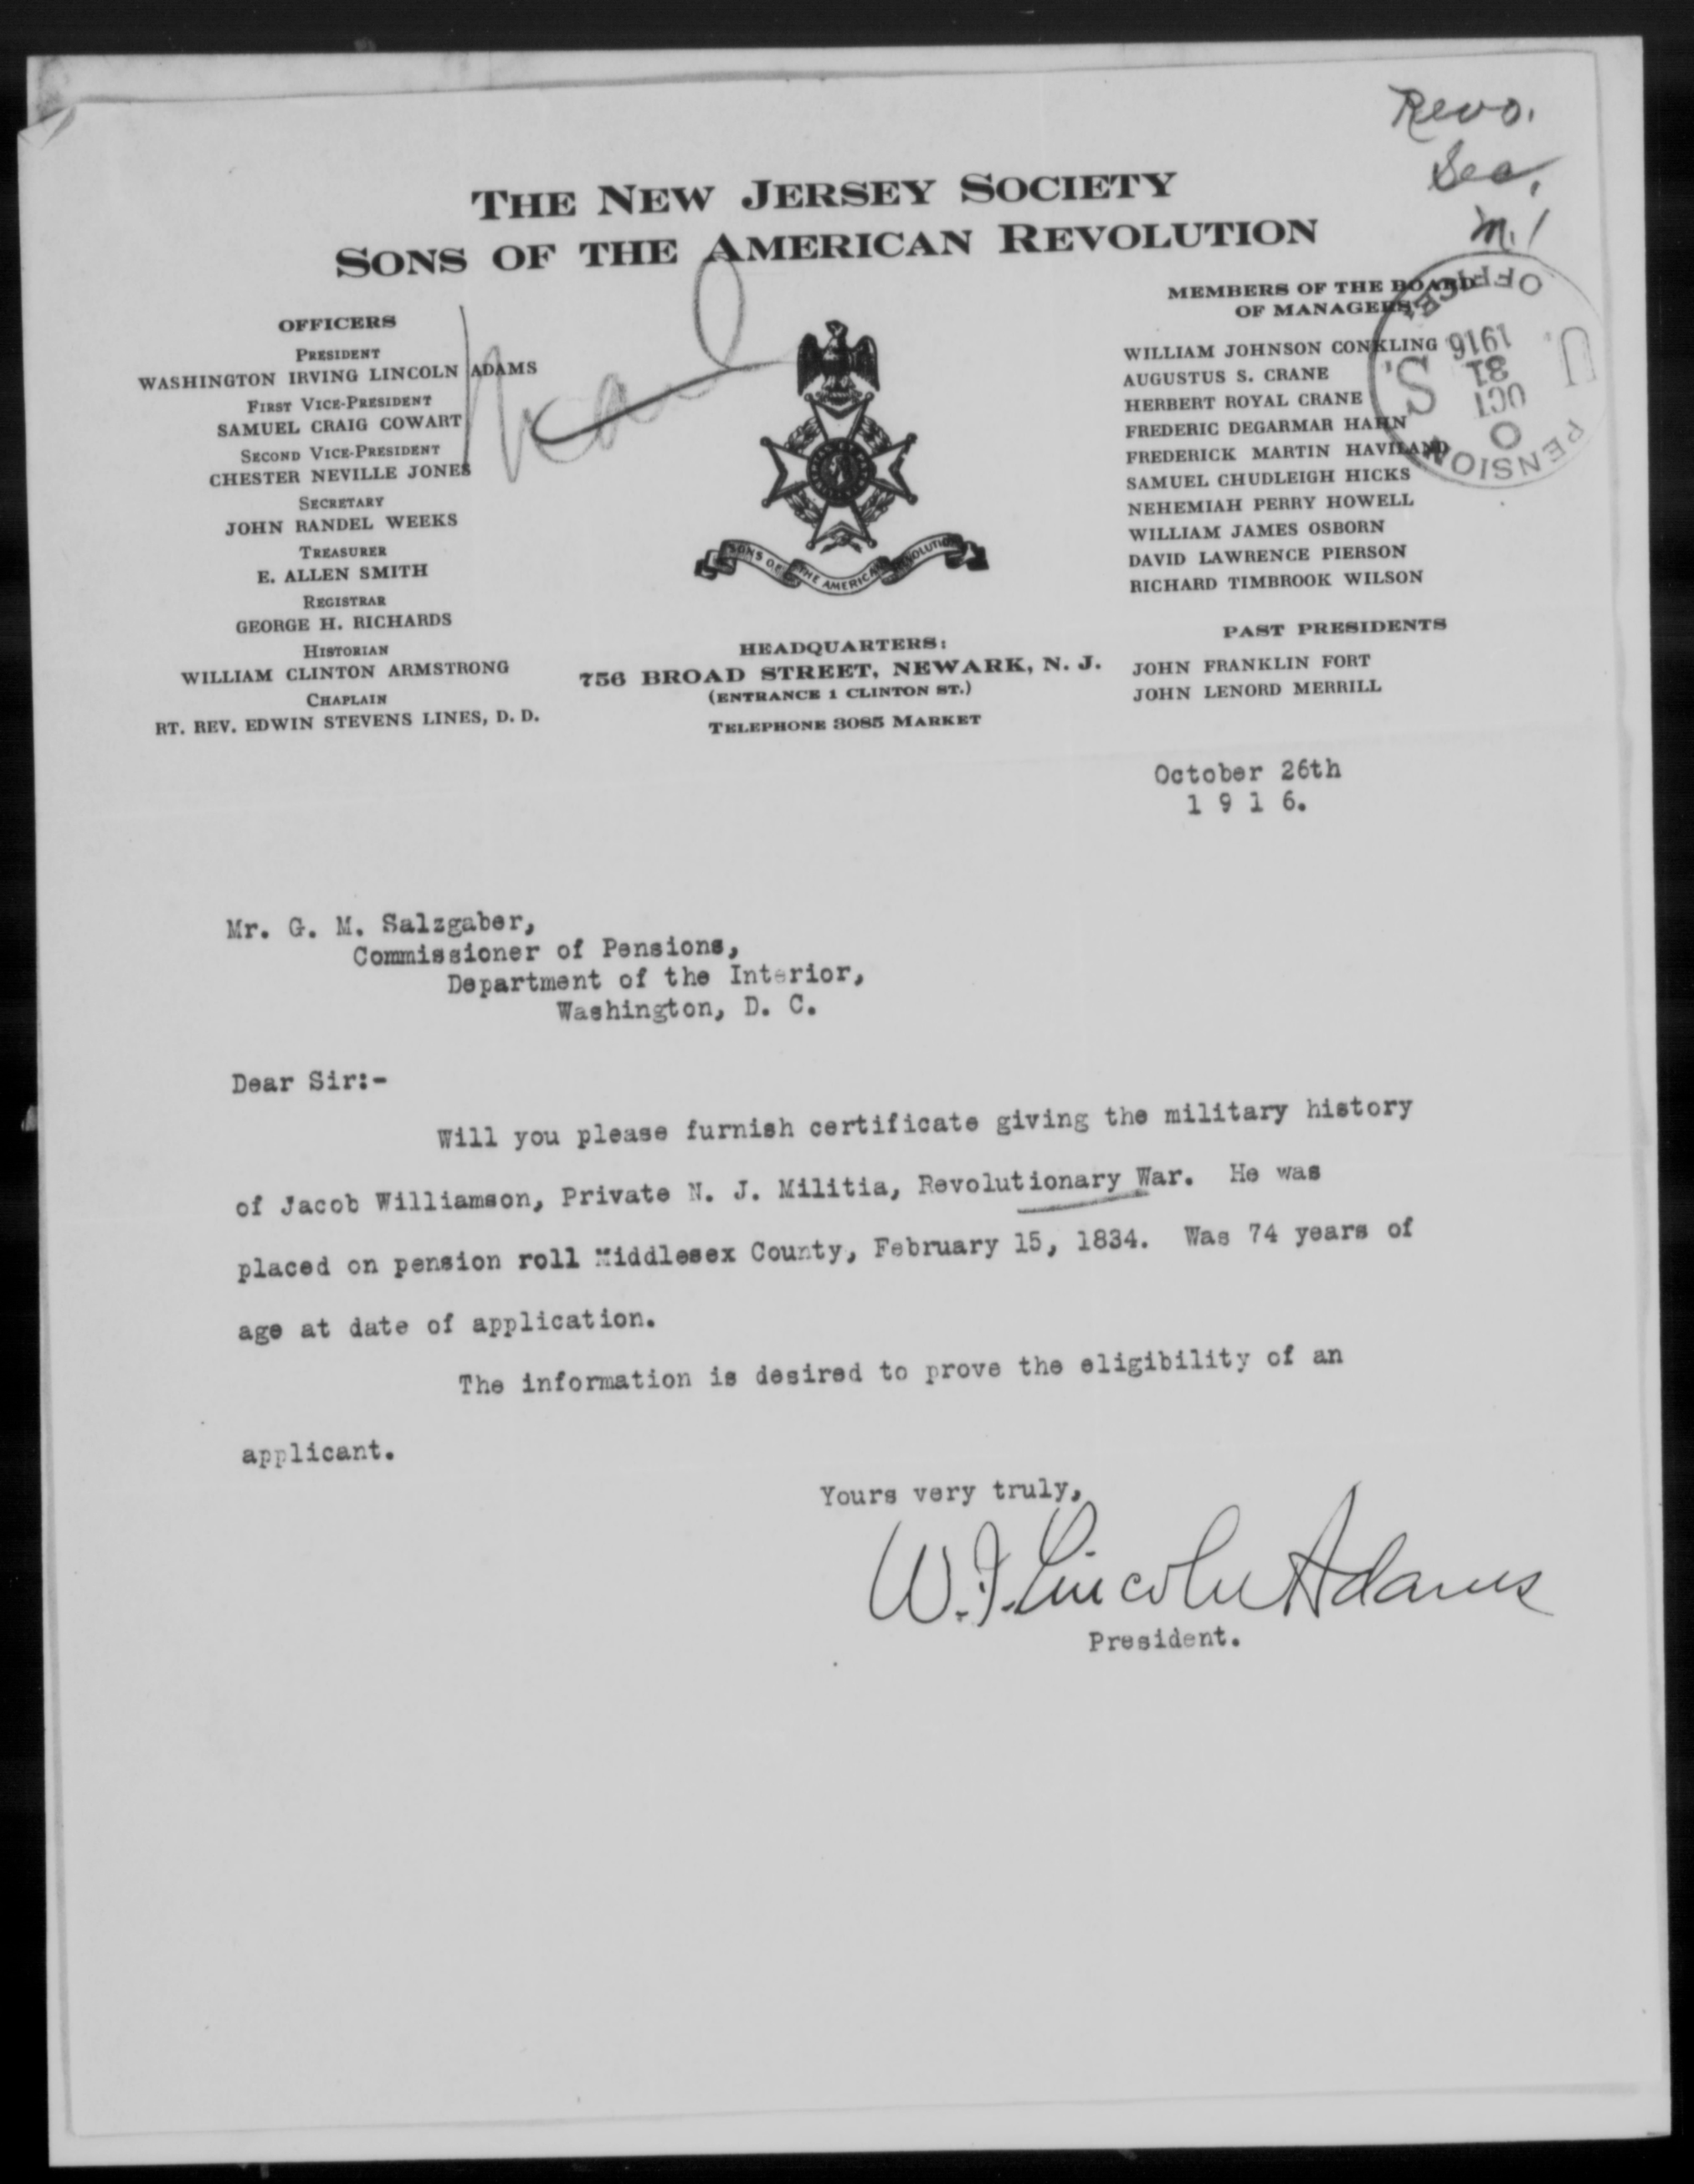Rev(olutionary War) Sec(tion) Mil(itia)

THE NEW JERSEY SOCIETY
SONS OF THE AMERICAN REVOLUTION

OFFICERS

PRESIDENT
WASHINGTON IRVING LINCOLN ADAMS

FIRST VICE-PRESIDENT
SAMUEL CRAIG COWART

SECOND VICE-PRESIDENT
CHESTER NEVILLE JONES

SECRETARY
JOHN RANDEL WEEKS

TREASURER
E. ALLEN SMITH

REGISTRAR
GEORGE H. RICHARDS

HISTORIAN
WILLIAM CLINTON ARMSTRONG

CHAPLAIN
RT. REV. EDWIN STEVENS LINES, D.D.

MEMBERS OF THE BOARD OF MANAGERS
WILLIAM JOHNSON CONKLING
AUGUSTUS S. CRANE
HERBERT ROYAL CRANE
FREDERIC DEGARMAR HARN
FREDERICK MARTIN HAVEILA, M.D.
SAMUEL CHUDLEIGH HICKS
NEHEMIAH PERRY HOWELL
WILLIAM JAMES OSBORN
DAVID LAWRENCE PIERSON
RICHARD TIMBROOK WILSON

PAST PRESIDENTS
JOHN FRANKLIN FORT
JOHN LENORD MERRILL

SONS OF THE AMERICAN REVOLUTION
Headquarters
756 BROAD STREET, NEWARK, N. J.
(Entrance 1 Clinton Street)
Telephone 3085 Market

October 26th 1916.

Mr. G.M. Saltzgaber,
Commissioner of Pensions,
Department of the Interior,
Washington, D.C.

Dear Sir:

Will you please furnish certificate giving the military history of Jacob Williamson, Private N.J. Militia, Revolutionary War. He was placed on pension roll Middlesex County, February 15, 1834. Was 74 years of age at date of application. 

The information is desired to prove the eligibility of an applicant.

Yours very truly,
s/ W.I. Lincoln Adams
President.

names: Samuel Chudleigh Hicks, George H Richards, John Lenord Merrill, David Lawrence Pierson, Frederick Martin Haviland, Richard Timbrook Wilson, John Randel Weeks, Samuel Craig Cowart, G M Salzgaber, Frederic Degarmar Hann, William James Osborn, E Allen Smith, John Franklin Fort, Washington Irving Lincoln Adams, Herbert Royal Crane, Edwin Stevens Lines, Chester Neville Jones, William Johnson Conkling, William Clinton Armstrong, Nehemiah Perry Howell, Jacob Williamson, Augustus S Crane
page: 67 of 67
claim: widow's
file: W. 2393, Jacob Williamson, New Jersey